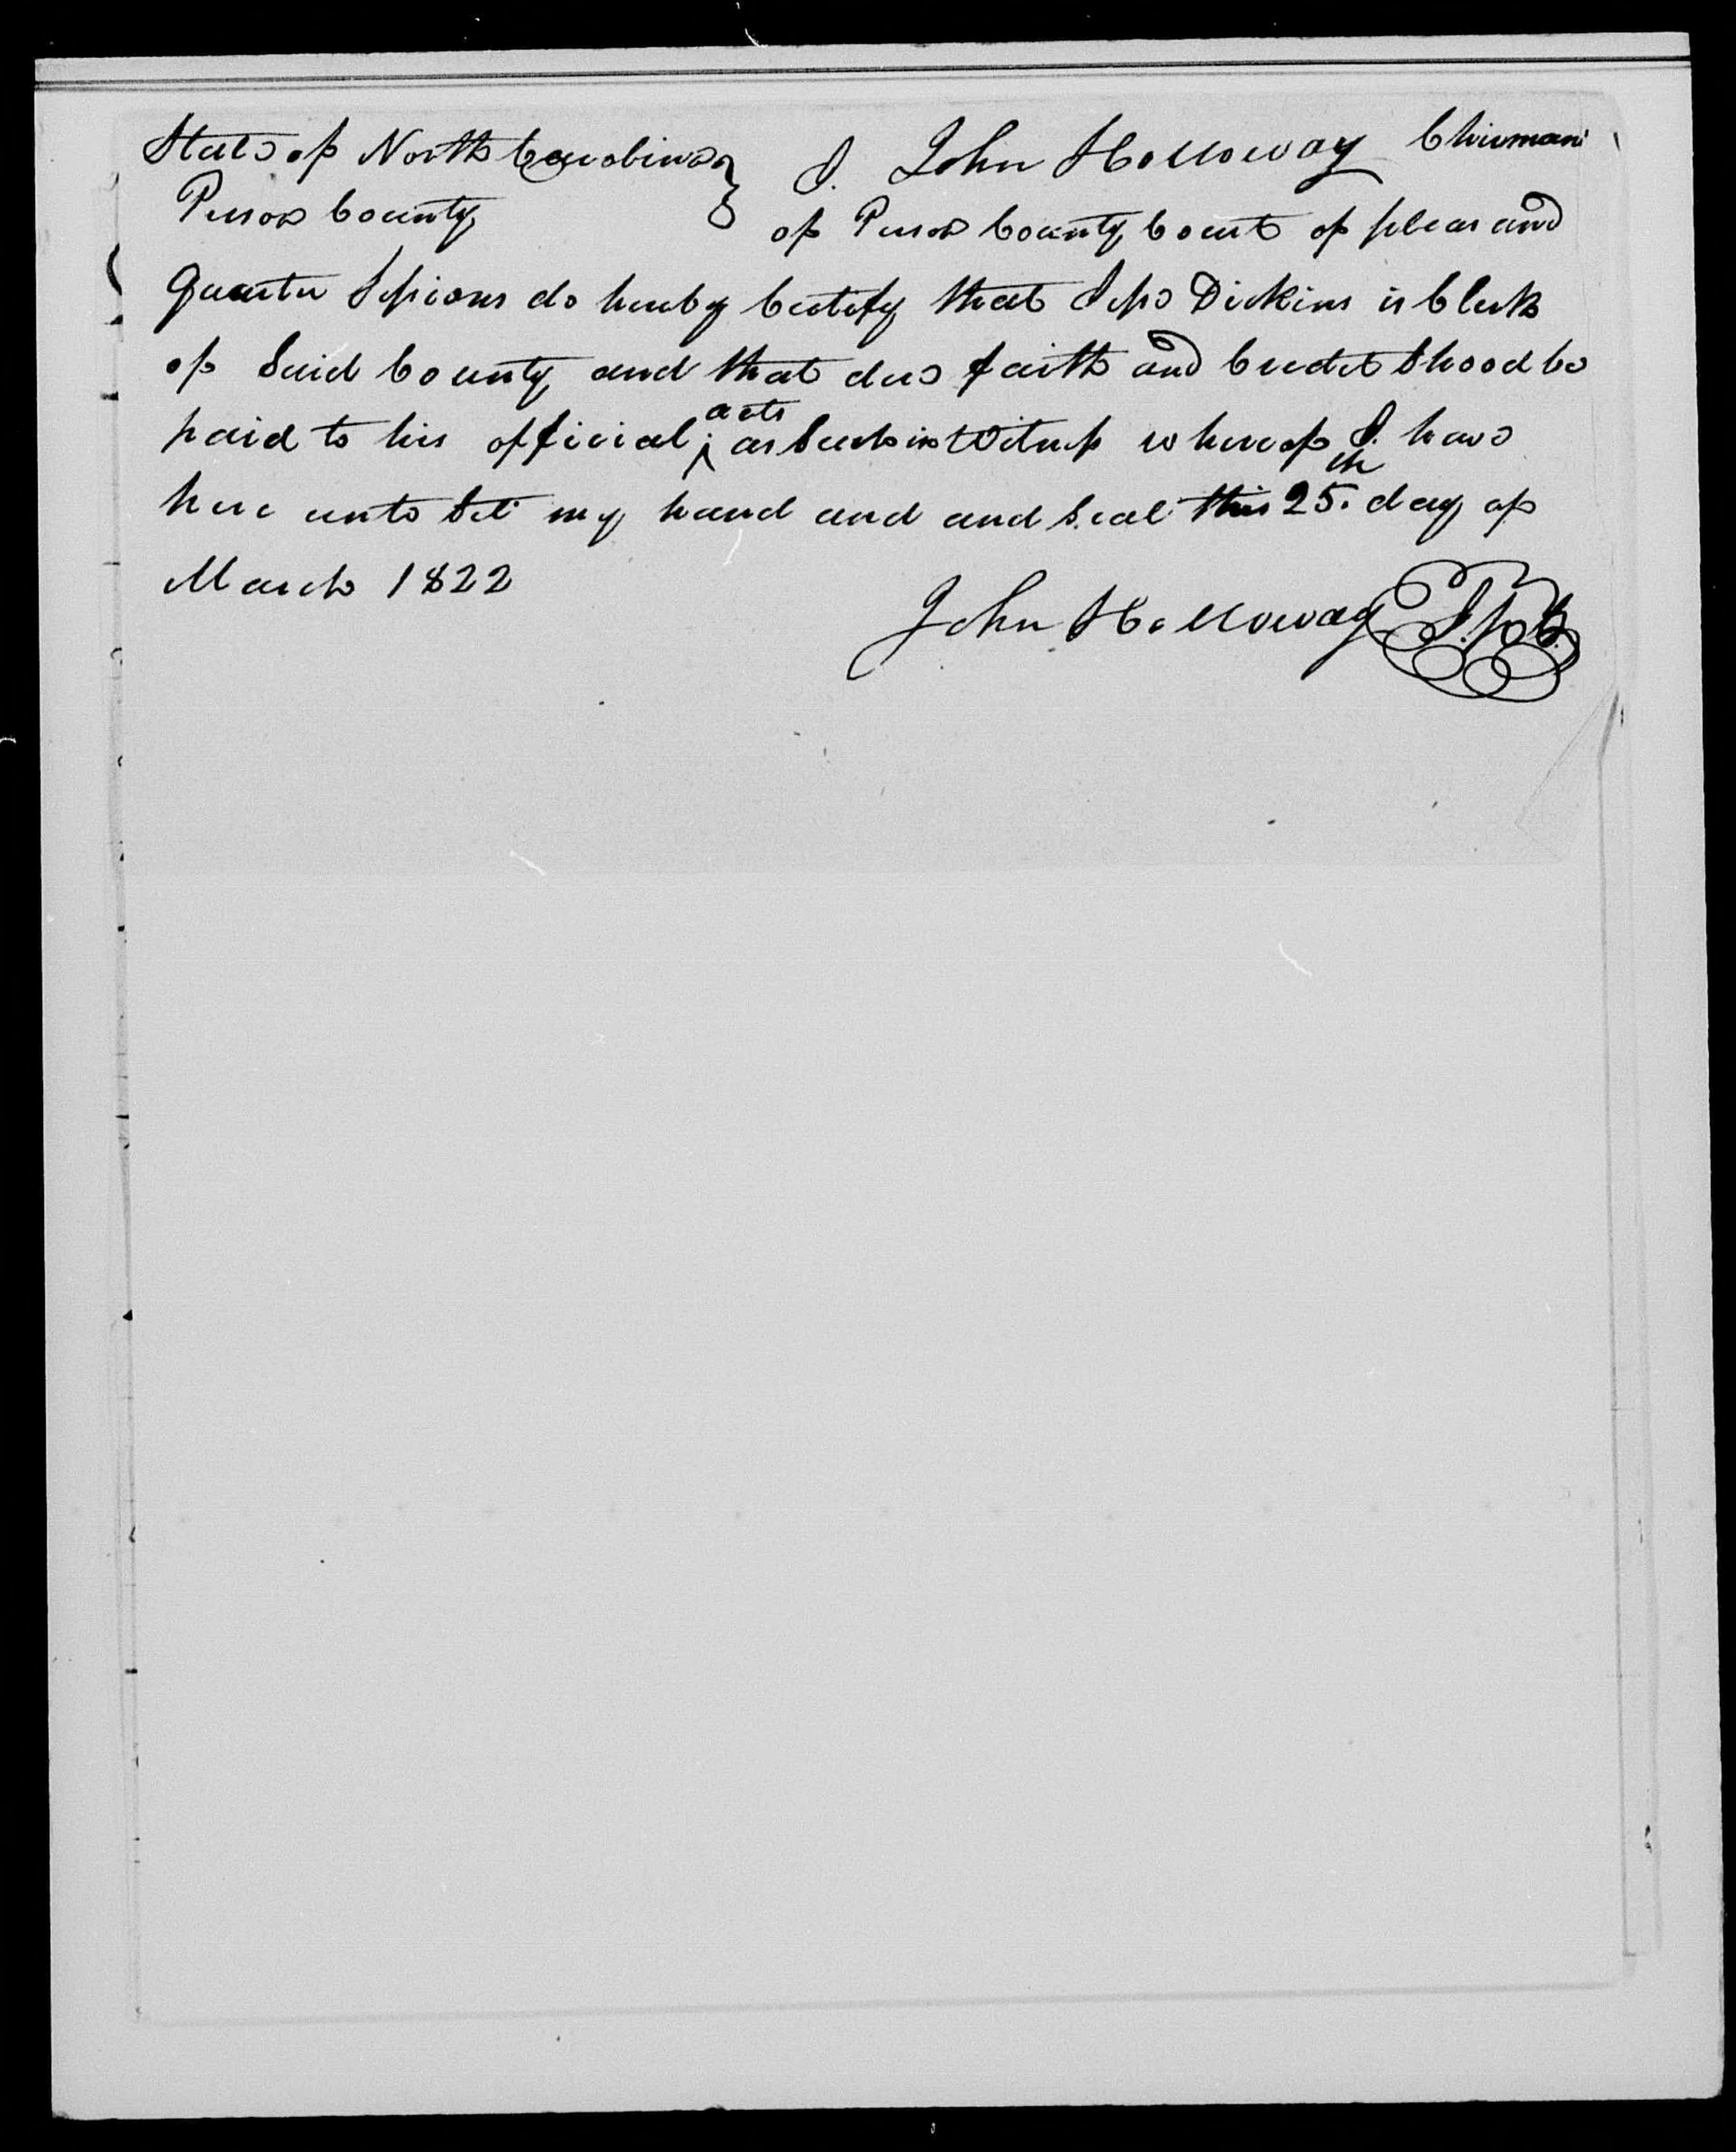State of North Carolina 
Person County}
I John Holloway chairman of Person County court of pleas and quarters sessions do hereby certify that Jesse Dickins is Clerk of said county and that due faith and credit should be paid to his official acts as subscribes in witness whereof I have here unto set my hand and seal this 25 day of March 1822.
John Halloway         seal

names: John Holloway, John Holloway, Jesse Dickins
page: 33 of 49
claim: survivor's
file: S. 41513, George Duncan, N.C.